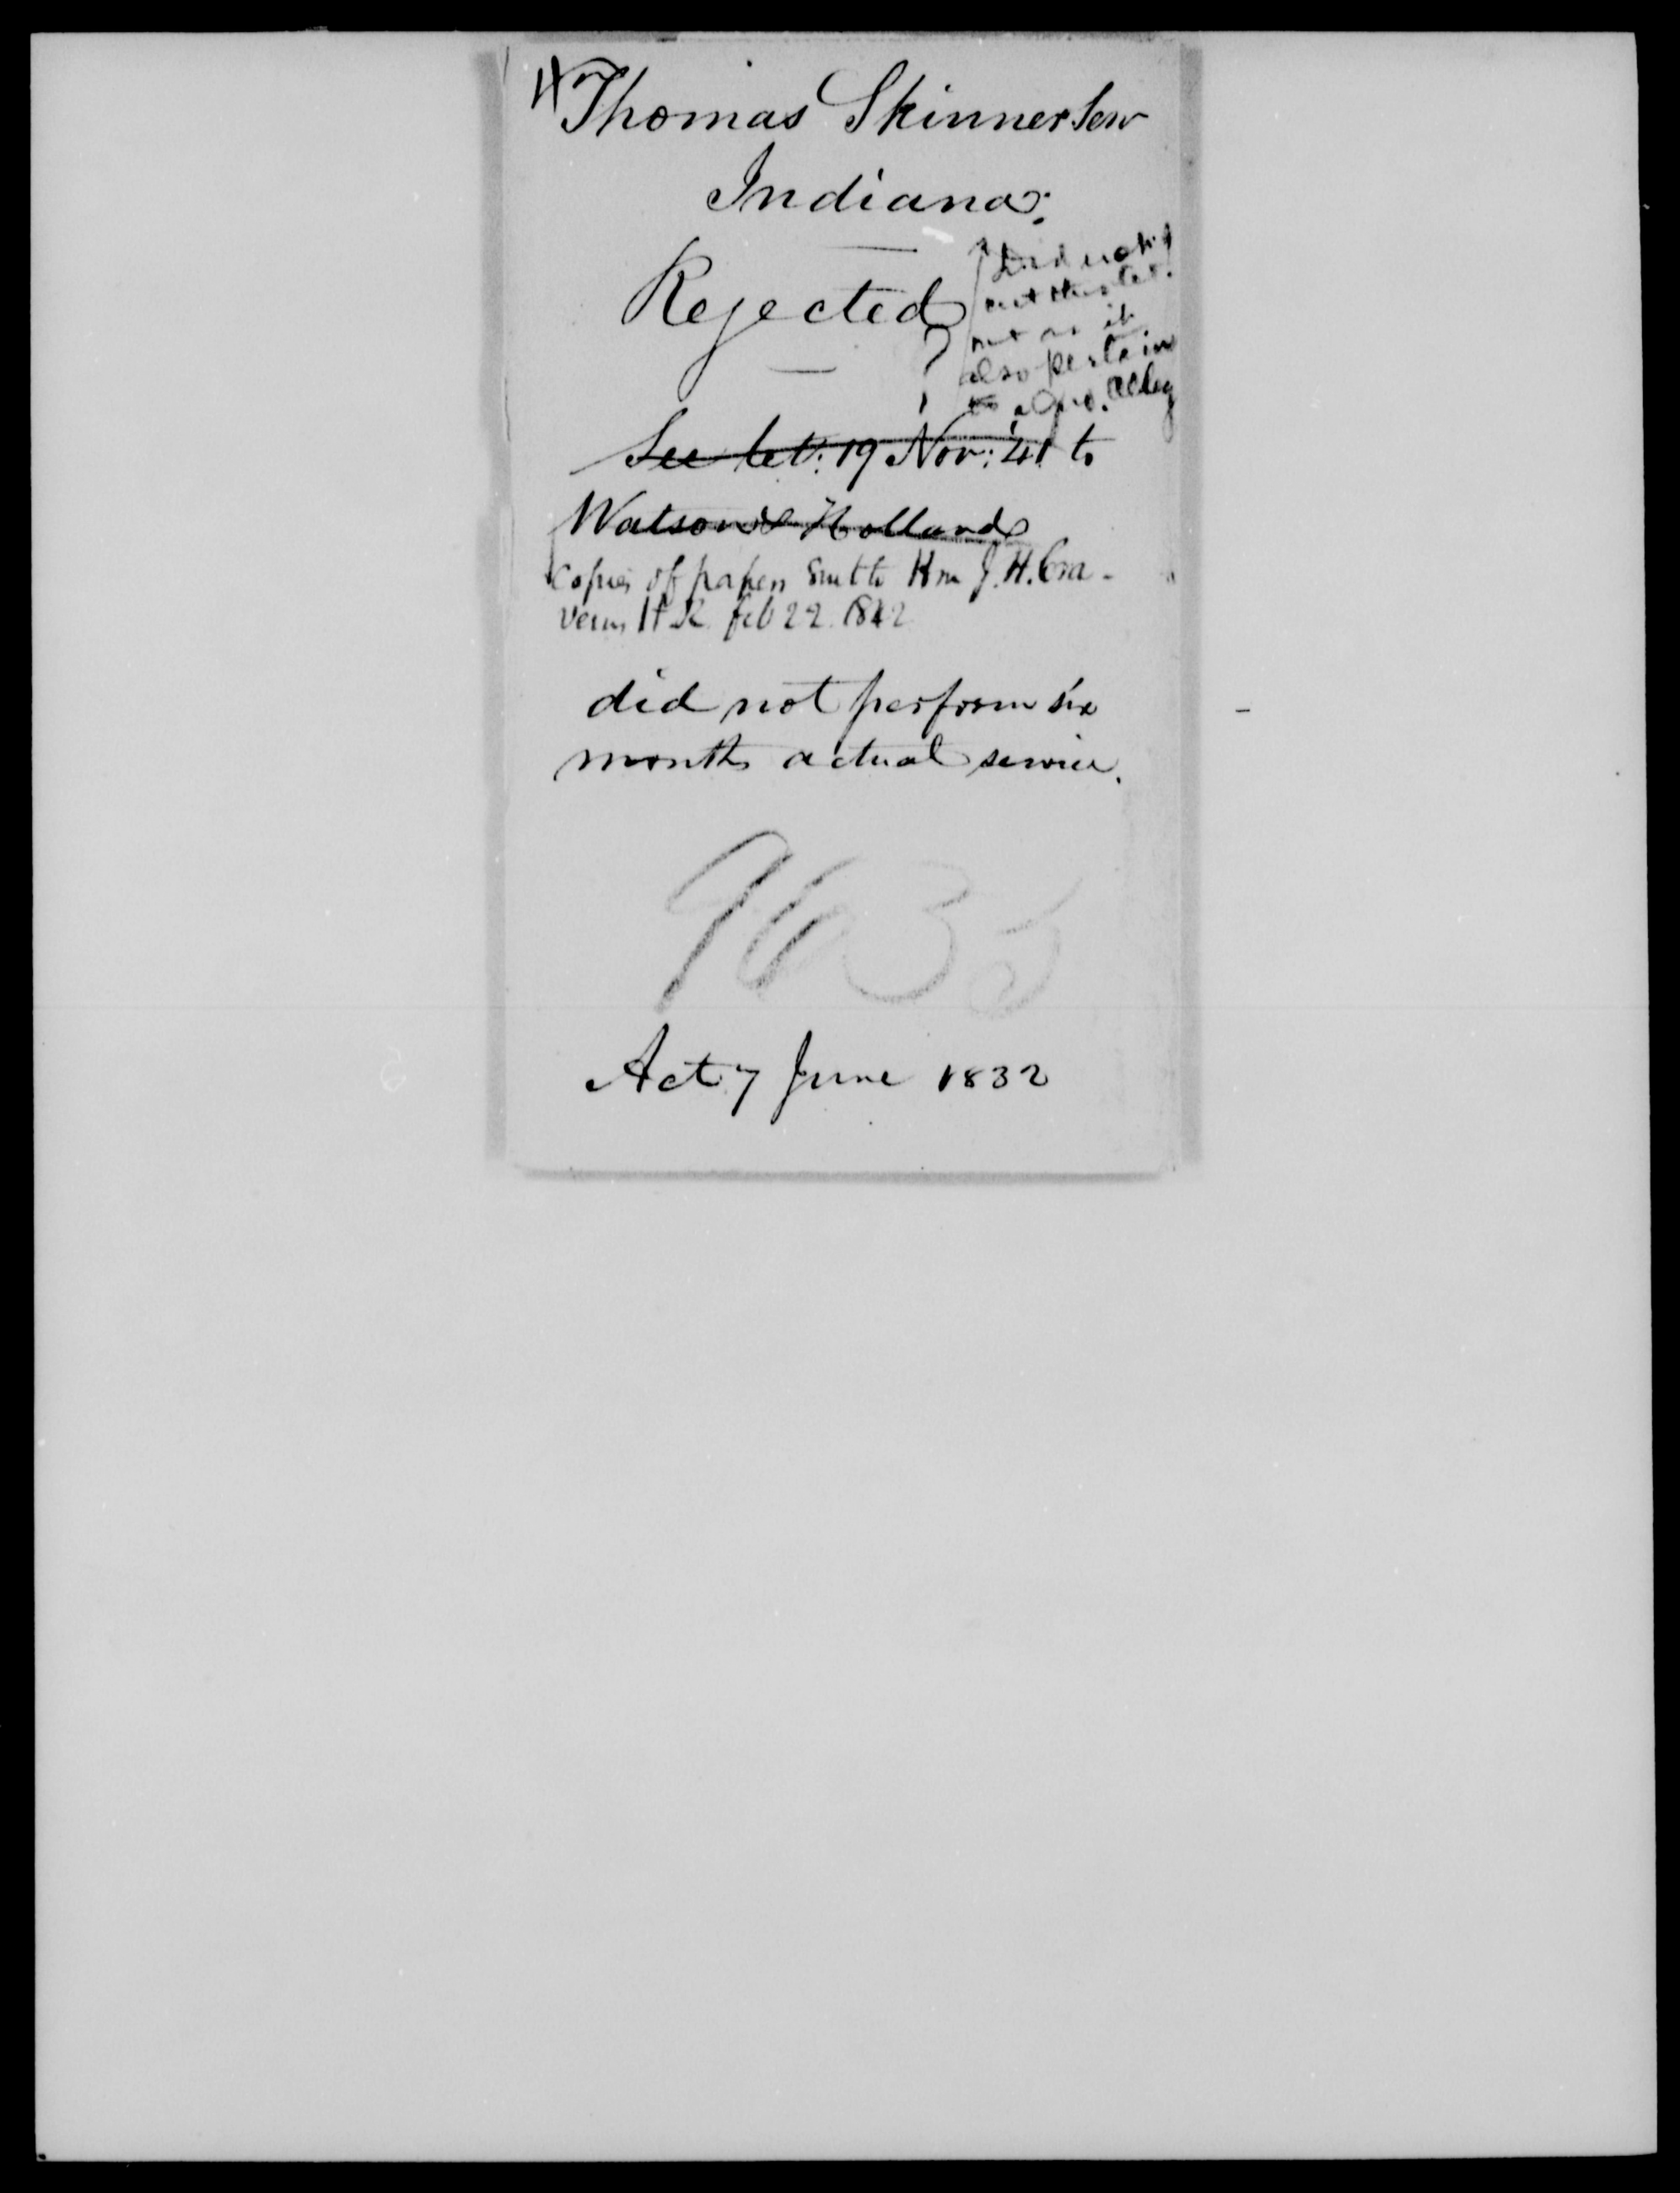Thomas Skinner [illegible]
Indiana:


Rejected
Did not cut [illegible] as it also pertains [illegible]

See let: 19 Nov '41 to
Watson & Holland
Copies of paper Smith Hon J.H. Craver R. Feb 22 1842
did not perform in
months actual service
9633
Act 7 June 1832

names: Thomas Skinner; J H Cravens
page: 8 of 33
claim: rejected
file: R. 9635, for Thomas Skinner, Delaware